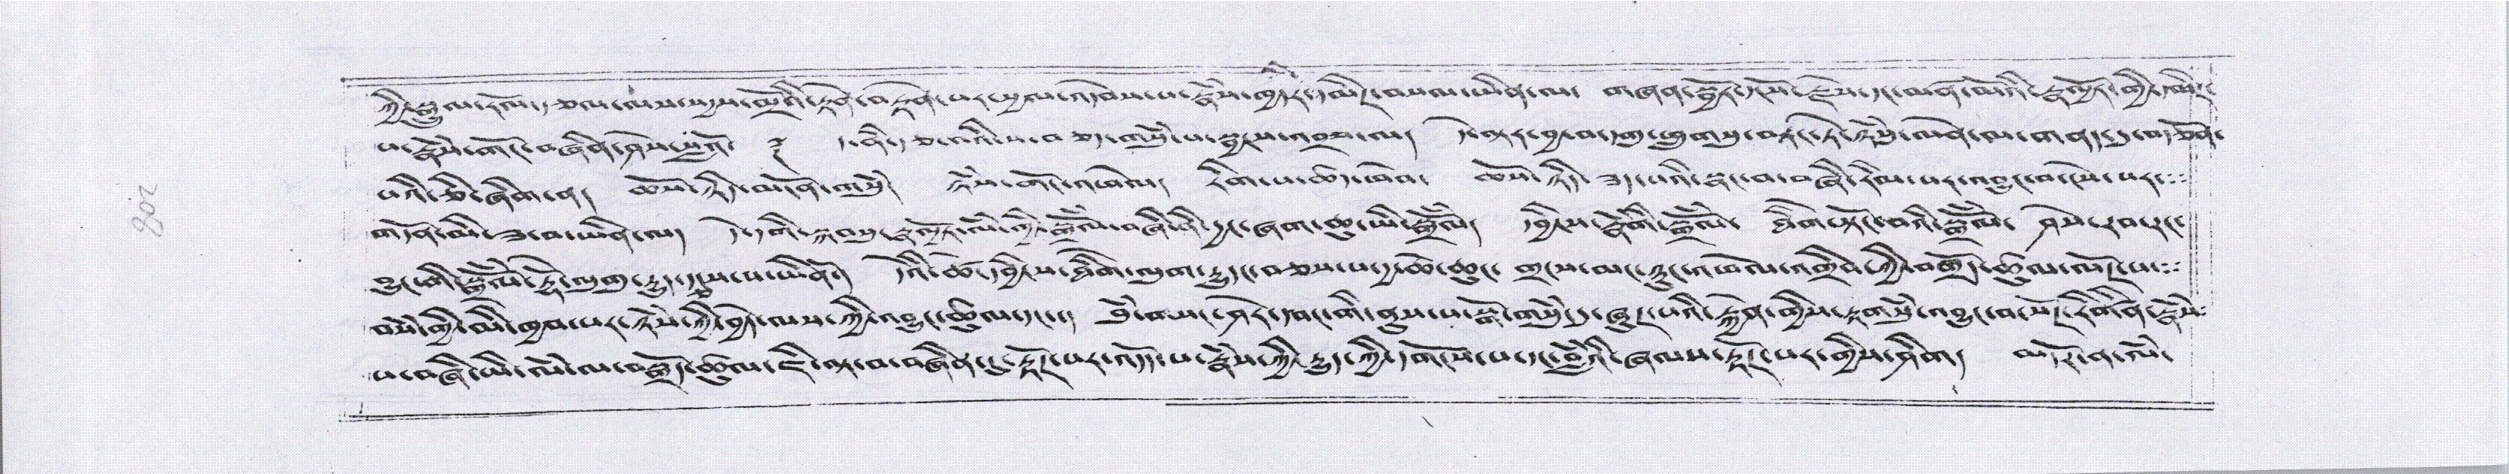ཀྱི་སྒྱུ་འཕྲུལ་རོལ་རྩལ་ལས་སངས་རྒྱས་མཁའ་འགྲོའི་རྟེན་བརྟེན་པར་གསལ་འདེབས་པ་རྣམས་ཁྱད་པར་དམིགས་གསལ་ཡིན་ལ། གཞན་སྦྱོར་དངོས་རྗེས་དང་མཚན་མོའི་རྣལ་འབྱོར་གྱི་དམིགས་
པ་རྣམས་གོང་བཞིན་ཤེས་སླའོ། ད་ནི་རྩ་བའི་ས་བཅད་གསུམ་པ་སྦྱངས་འབྲས་ལ། དེ་ལྟར་བྱ་བ་དགུ་སྤྲུགས་སུ་བཏང་ནས་ཉམས་ལེན་ལ་གནད་དུ་བརྩོན་
པའི་ཅི་ཞིག་ན་ཆོས་ཉིད་མངོན་སུམ། ཉམས་གོང་འཕེལ། རིག་པ་ཚད་ཕེབས། ཆོས་ཉིད་ཟད་པའི་སྣང་བ་བཞི་རིམ་པར་འབྱུང་བ་ངེས་པར་
གདོན་མི་ཟ་བ་ཡིན་ལ། དེ་དག་གི་སྐབས་སུ་རྣལ་འབྱོར་ལམ་གྱི་སྒྲོན་མ་བཞི་ནི། རྒྱང་ཞགས་ཆུ་ཡི་སྒྲོན་མ། དབྱིངས་རྣམ་དག་གི་སྒྲོན་མ། ཐིག་ལེ་སྟོང་པའི་སྒྲོན་མ། ཤེས་རབ་རང་
བྱུང་གི་སྒྲོན་མེ་རྡོ་རྗེ་ལུ་གུ་རྒྱུད་དང་བཅས་པ་ཡིན་ནོ། དེའི་ཚེ་དབྱིངས་ཐིག་ལེ་ལུག་རྒྱུད་དང་བཅས་པ་རྒྱ་ཆེ་ཆུང་གྲངས་མང་ཉུང་འཕེལ་འགྲིབ་ཀྱི་བགྲོད་ཚུལ་ལ་སོགས་པ་
བསམ་གྱིས་མི་ཁྱབ་པར་ཉམས་ཀྱི་བྱེད་ལས་ཀྱི་འབྱུང་ཚུལ་དང་། བུམ་གསང་ཤེར་དབང་གི་ནུས་པ་སྒོ་གསུམ་དུ་ཞུགས་པའི་རྐྱེན་གྱིས་རྟགས་གསུམ་འབྱུང་བ་སོགས་རིག་འཛིན་རྣམ་
པ་བཞི་ཡི་ལམ་ལ་བསྒྲོད་ཚུལ་སོགས་ཇི་ལྟ་བ་བཞིན་དུ་རྟོགས་པར་འདོད་པ་རྣམས་ཀྱིས་རྒྱུད་ཀྱི་དགོངས་པ་དང་བླ་མའི་ཞལ་ལས་རྟོགས་པར་གྱིས་ཤིག མདོར་ན་ལམ་